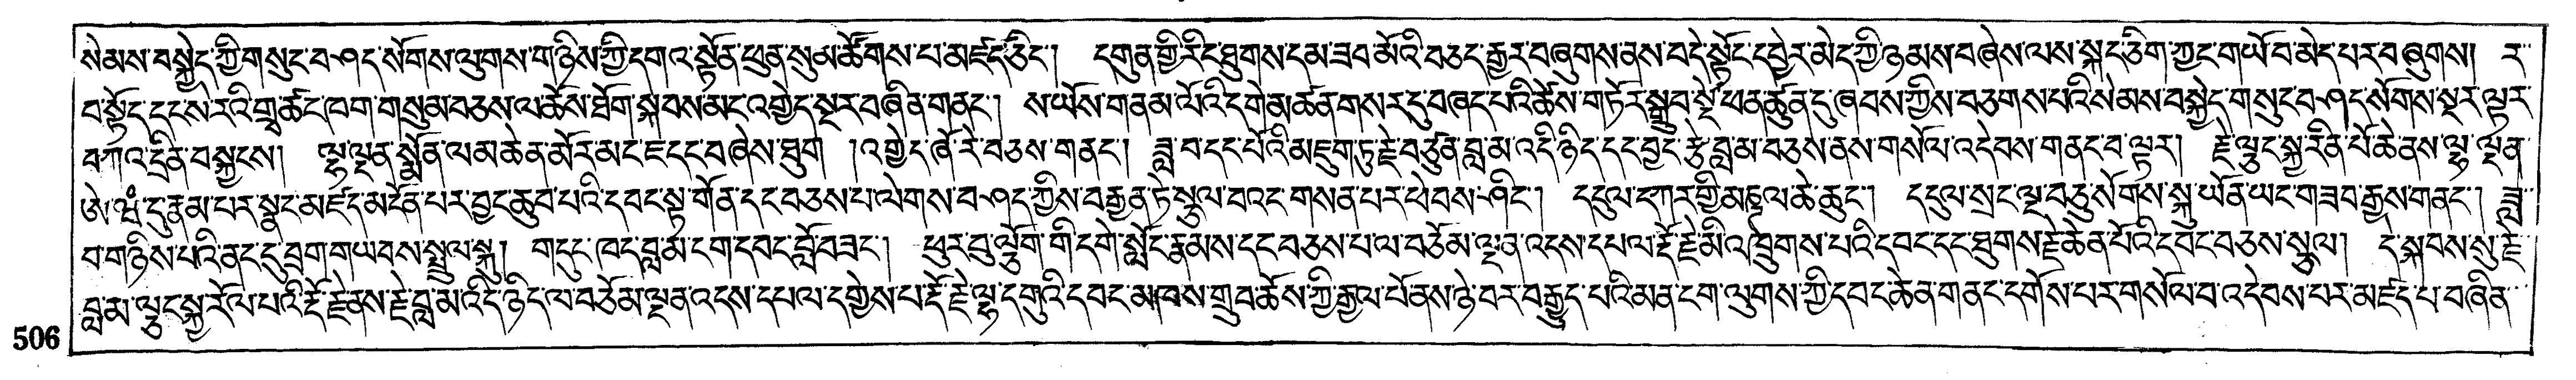སེམས་བསྐྱེད་ཀྱི་གསུང་བཤད་སོགས་ལུགས་གཉིས་ཀྱི་དགའ་སྟོན་ཕུན་སུམ་ཚོགས་པ་མཛད་ཅིང་། དགུན་གྱི་རིང་ཐུགས་ངམ་ཟབ་མོའི་བཅད་རྒྱར་བཞུགས་ནས་བདེ་སྟོང་དབྱེར་མེད་ཀྱི་ཉམས་བཞེས་ལས་སྐད་ཅིག་ཀྱང་གཡོ་བ་མེད་པར་བཞུགས། ར་
བསྟོད་དང་སེ་རའི་གྲྭ་ཚང་ཁག་གསུམ་བཅས་ལ་ཆོས་ཐོག་སྐབས་མང་འགྱེད་སྔར་བཞིན་གནང་། ས་ཡོས་གནམ་ལོའི་དགེ་མཚན་གསར་དུ་བཞད་པའི་ཚེས་གཏོར་སྒྲུབ་སྡེ་ཕན་ཚུན་དུ་ཞབས་ཀྱིས་བཅགས་པའི་སེམས་བསྐྱེད་གསུང་བཤད་སོགས་སྔར་ལྟར་
བཀའ་དྲིན་བསྐྱངས། ལྷ་ལྡན་སྨོན་ལམ་ཆེན་མོར་མང་ཇ་དང་བཞེས་ཐུག །འགྱེད་ཞོ་རེ་བཅས་གནང་། ཟླ་བ་དང་པོའི་མཇུག་ཏུ་རྗེ་བཙུན་བླ་མ་འདི་ཉིད་དང་བྱང་རྩེ་བླ་མ་བཙས་ནས་གསོལ་འདེབས་གནང་བ་ལྟར། རྗེ་ལྕང་སྐྱ་རིན་པོ་ཆེ་ནས་ལྷ་ལྡན་
ཨེ་ཝཾ་དུ་རྣམ་པར་སྣང་མཛད་མངོན་པར་བྱང་ཆུབ་པའི་དབང་སྟ་གོན་དང་བཅས་པ་ལེགས་བཤད་ཀྱིས་བརྒྱན་ཏེ་སྩལ་བའང་གསན་པར་ཕེབས་ཤིང་། དངུལ་དཀར་གྱི་མཎྜལ་ཆེ་ཆུང་། དངུལ་སྲང་ལྔ་བཅུ་སོགས་སྐུ་ཡོན་ཡང་གཟབ་རྒྱས་གནང་། ཟླ་
བ་གཉིས་པའི་ནང་དུ་བྲག་གཡབས་སྦྲུལ་སྐུ། གདུང་ཁང་བླ་མ་ངག་དབང་བློ་བཟང་། ཕུར་བུ་ལྕོག་གི་དགེ་སློང་རྣམས་དང་བཅས་པ་ལ་བཅོམ་ལྡན་འདས་དཔལ་རྡོ་རྗེའི་འཁྲུགས་པའི་དབང་དང་ཐུགས་རྗེ་ཆེན་པོའི་དབང་བཅས་སྩལ། དེ་སྐབས་སུ་རྗེ་
བླ་མ་ལྕང་སྐྱ་རོལ་པའི་རྡོ་རྗེ་ནས་རྗེ་བླ་མ་འདི་ཉིད་ལ་བཅོམ་ལྡན་འདས་དཔལ་དགྱེས་པ་རྡོ་རྗེ་ལྷ་དགུའི་དབང་མཁས་གྲུབ་ཆོས་ཀྱི་རྒྱལ་པོ་ནས་ཉེ་བར་བརྒྱུད་པའི་མན་ངག་ལུགས་ཀྱི་དབང་ཆེན་གནང་དགོས་པར་གསོལ་བ་འདེབས་པར་མཛད་པ་བཞིན་